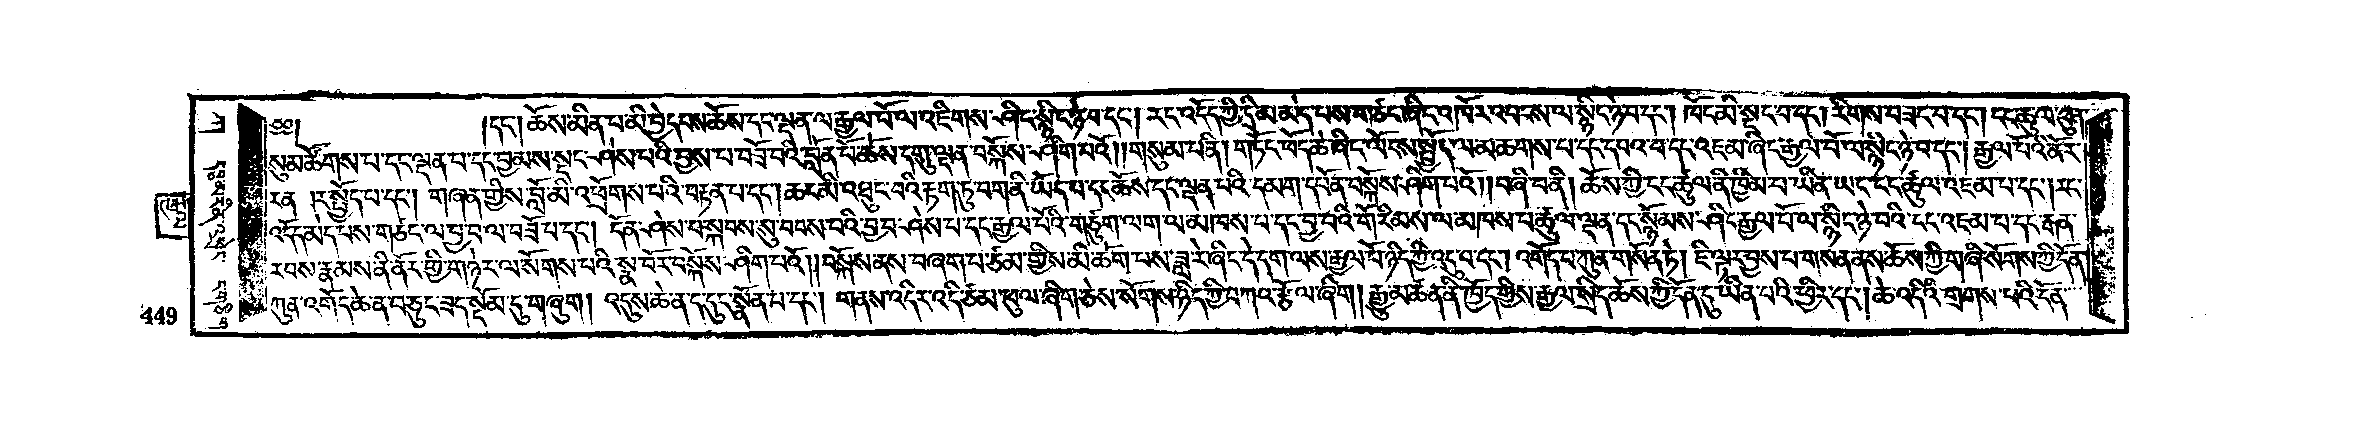༄༅། །དང་། ཆོས་མིན་པ་མི་བྱེད་པས་ཆོས་དང་ལྡན་ལ་རྒྱལ་པོ་ལ་འཇིགས་ཤིང་སྙིང་ཉེ་བ་དང་། རང་འདོད་ཀྱི་དྲི་མ་མེད་པས་གཙང་ཞིང་འཁོར་འབངས་ལ་སྙིང་ཉེ་བ་དང་། ཁོང་མི་སྡང་བ་དང་། རིགས་བཟང་བ་དང་། ངང་ཚུ་ལ་ཕུན་
སུམ་ཚོགས་པ་དང་ལྡན་པ་དང་བྱམས་སྡང་ཤེས་པའི་བྱས་པ་བཟོ་བའི་བློན་པོ་ཆོས་དགུ་ལྡན་བསྐོས་ཤིག་པའོ། །གསུམ་པ་ནི། གཏོང་ཕོད་ཆེ་ཞིང་ལོངས་སྤྱོད་ལ་མ་ཆགས་པ་དང་དཔའ་བ་དང་འཇམ་ཞིང་རྒྱལ་པོ་ལ་སྙིང་ཉེ་བ་དང་། རྒྱལ་པོའི་ནོར་
རན། ར་སྤྱོད་པ་དང་། གཞན་གྱིས་བློ་མི་འཕྲོགས་པའི་བརྟན་པ་དང་། ཆང་མི་འཐུང་བའི་རྟག་ཏུ་བག་ནི་ཡོད་པ་དང་ཆོས་དང་ལྡན་པའི་དམག་དཔོན་བསྐོས་ཤིག་པའོ། །བཞི་པ་ནི། ཆོས་ཀྱི་ངང་ཚུལ་ནི་ཁྱིམ་པ་ཡིན་ཡང་ངང་ཚུལ་འཇམ་པ་དང་། རང་
འདོད་མེད་པས་གཙང་ལ་བྱ་བ་ལ་བཟོ་བ་དང་། དོན་ཤེས་པ་སྐབས་སུ་བབས་པའི་བྱ་བ་ཤེས་པ་དང་རྒྱལ་པོའི་གཙུག་ལག་ལ་མཁས་པ་དང་བྱ་བའི་གོ་རིམས་ལ་མཁས་པ་ཚུལ་ལྡན་དང་སྙོམས་ཤིང་རྒྱལ་པོ་ལ་སྙིང་ཉེ་བའི་ངང་འཇམ་པ་དང་རྒན་
རབས་རྣམས་ནི་ནོར་གྱི་གཉེར་ལ་སོགས་པའི་སྣ་བོར་བསྐོས་ཤིག་པའོ། །བསྐོས་ནས་བཞག་པ་ཙམ་གྱིས་མི་ཆོག་པས་ཟླ་རེ་ཞིང་དེ་དག་ལས་རྒྱལ་པོ་ཉིད་ཀྱི་འདུ་བ་དང་། འགོད་པ་ཀུན་གསོན་ཏེ། ཇི་ལྟར་བྱས་པ་གསན་ནས་ཆོས་ཀྱི་གཞི་སོགས་ཀྱི་དོན་
ཀུན་འགོད་ཆེ་ན་བ་ཅུང་ཟད་སྡོམ་དུ་གཞུག །འདུས་ཆེ་ན་ད་དུང་སྣོན་པ་དང་། གནས་འདིར་འདི་ཙམ་ཕུལ་ཞིག་ཅེས་སོགས་ཉིད་ཀྱི་བཀའ་རྩོལ་ཞིག །རྒྱུ་མཚན་ནི་ཁྱོད་ཀྱིས་རྒྱལ་སྲིད་ཆོས་ཀྱི་དོན་དུ་ཡིན་པའི་ཕྱིར་དང་། ཆེ་འདིའི་གྲགས་པའི་དོན་